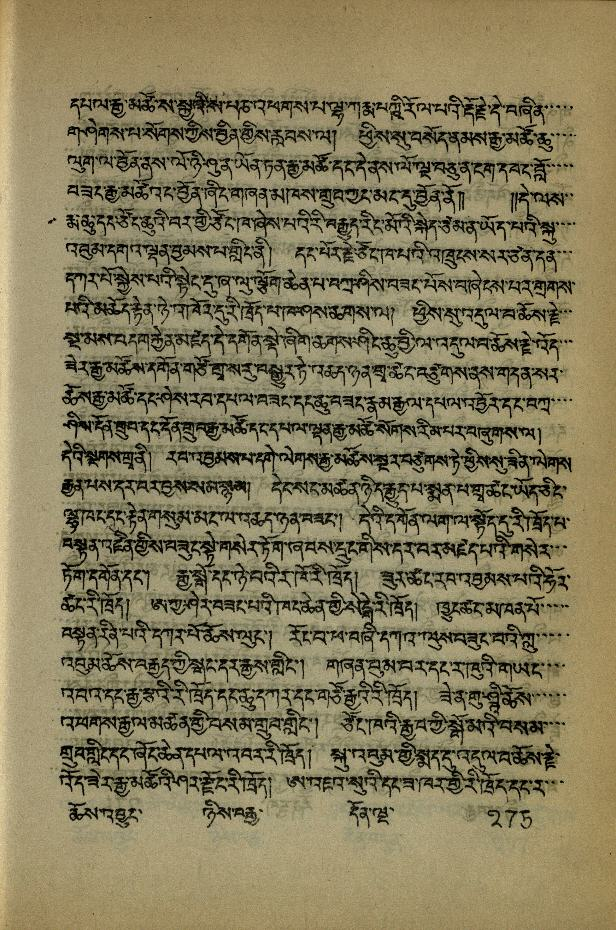དཔལ་རྒྱ་མཚོ་ས་སྐྱའི་ས་པཎ་འཕགས་པ་ལྷ་ཀརྨ་པཀྵི་རོལ་པའི་རྡོ་རྗེ་དེ་བཞིན་
གཤེགས་པ་སོགས་ཀྱིས་བྱིན་གྱིས་རླབས་ལ། ཕྱིས་སུ་བསོད་ནམས་རྒྱ་མཚོ་ཆུ་
ལུག་ལ་བྱོན་ནས་ལོ་ཉི་ཤུ་ན་ཡོན་ཏན་རྒྱ་མཚོ་དང་དེ་ནས་ལོ་ལྔ་བཅུ་ན་ངག་དབང་བློ་
བཟང་རྒྱ་མཚོ་འང་བྱོན་ཞིང་གཞན་མཁས་གྲུབ་ཀྱང་མང་དུ་བྱོན་ནོ།། །།དེ་ལས་
རྨ་ཆུ་དང་ཙོང་ཆུའི་བར་གྱི་ཙོང་ཁ་ཞེས་པའི་རི་བརྒྱུད་རིང་མོའི་སྐེད་ཙམ་ན་ཡོད་པའི་སྐུ་
འབུམ་དགའ་ལྡན་བྱམས་པ་གླིང་ནི། དང་པོར་རྗེ་ཙོང་ཁ་པའི་འཁྲུངས་སར་ཙན་དན་
དཀར་པོ་སྐྱེས་པའི་སྟེང་དུ་ཞ་ལུ་ལྕོག་ཆེན་པ་བཀྲ་ཤིས་བཟང་པོས་བ་ཞེངས་པར་གྲགས་
པའི་མཆོད་རྟེན་ཉེ་འཁོར་དུ་རི་ཁྲོད་པ་ཁ་ཤས་ཆགས་ལ། ཕྱིས་སུ་འདུལ་བ་ཆོས་རྗེ་
སྔ་མས་བདག་རྐྱེན་མཛད་དེ་དགོན་སྡེ་ཞིག་ཆགས་ཤིང་ཆུ་བྱིན་ལ་འདུལ་བ་ཆོས་རྗེ་འོད་
ཟེར་རྒྱ་མཚོས་དགོན་གཙོ་གྲྭ་ས་རུ་བསྒྱུར་ཏེ་འཆད་ཉན་གྲྭ་ཚང་བཙུགས་ནས་གདན་སར་
ཆོས་རྒྱ་མཚོ་དང་ཤེས་རབ་དཔལ་བཟང་དང་ཆུ་བཟང་རྣམ་རྒྱལ་དཔལ་འབྱོར་དང་བཀྲ་
ཤིས་དོན་གྲུབ་དང་དོན་གྲུབ་རྒྱ་མཚོ་དང་དཔལ་ལྡན་རྒྱ་མཚོ་སོགས་རིམ་པར་བཞུགས་ལ།
དེའི་སྔགས་གྲྭ་ནི། རབ་འབྱམས་པ་དགེ་ལེགས་རྒྱ་མཚོས་སྔར་བཙུགས་ཏེ་ཕྱིས་སུ་ཟིན་ལེགས་
རྒྱན་པས་དར་བར་བྱས་སམ་སྙམ། དེང་སང་མཚན་ཉིད་རྒྱུད་པ་སྨན་པ་གྲྭ་ཚང་ཡོད་ཅིང་
ལྷ་ཁང་དང་རྟེན་གསུམ་མང་ལ་འཆད་ཉན་བཟང་། དེའི་དགོན་ལག་ལ་སྟོད་དུ་རི་ཁྲོད་པ་
བསྟན་འཛིན་གྱིས་བཟུང་སྟེ་གསེར་ཏོག་ཞབས་དྲུང་གིས་དར་བར་མཛད་པའི་གསེར་
ཏོག་དགོན་དང་། རྒྱ་སྒོ་དང་ཉེ་བའི་ར་ཁོ་རི་ཁྲོད། ཟུར་ཚང་རབ་འབྱམས་པའི་ཧོར་
ཚང་རི་ཁྲོད། ཨ་ཀྱ་ཤེར་བཟང་པའི་ཁང་ཆེན་གྱི་སེངྒེ་རི་ཁྲོད། ཁྱུང་ཚང་མཁན་པོ་
བསྟན་རིན་པའི་དཀར་པོ་ཆོས་ལུང་། རོང་བ་ཕ་བཞི་དཀའ་ལུས་བཟུང་བའི་ཀླུ་
འབུམ་ཆོས་བརྒྱད་ཀྱི་སྒང་དར་རྒྱས་གླིང་། གཞན་བུམ་པར་དང་ར་ཁུའི་གཡང་
འབའ་དང་རྒྱ་རྩའི་རི་ཁྲོད་དང་ཆུ་དཀར་དང་གཙོ་རྒྱའི་རི་ཁྲོད། ཟེ་ན་གུ་ཤྲཱི་ཆོས་
འཕགས་རྒྱལ་མཚན་གྱི་བསམ་གྲུབ་གླིང་། ཙོང་ཁའི་རྒྱབ་ཀྱི་སྒོ་མའི་བསམ་
གྲུབ་གླིང་དང་ཞོང་ཆེན་དཔལ་འབར་རི་ཁྲོད། སྐུ་འབུམ་གྱི་སྨད་དུ་འདུལ་བ་ཆོས་རྗེ་
འོད་ཟེར་རྒྱ་མཚོའི་ཤར་རྫོང་རི་ཁྲོད། ཨ་འཇའ་སུའི་དང་ཟ་ཁར་གྱི་རི་ཁྲོད་དང་ར་